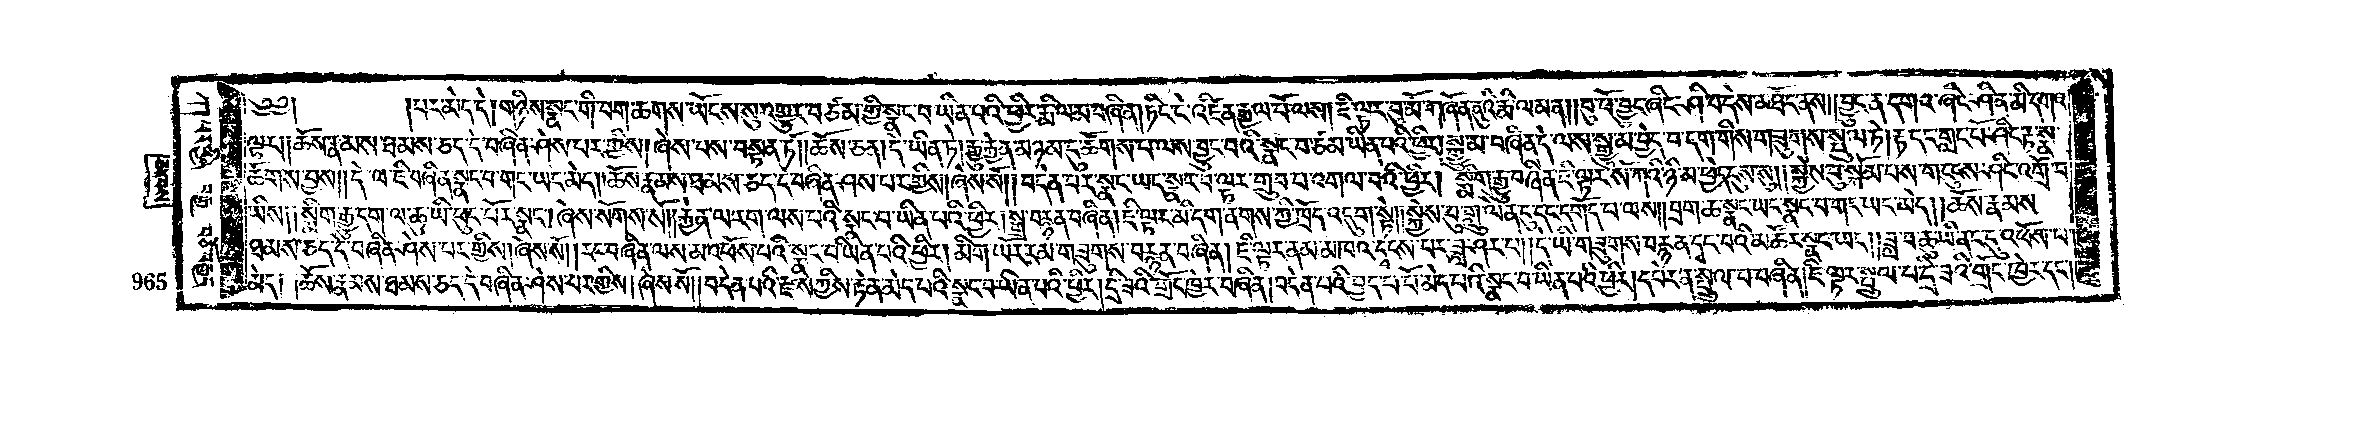༄༅། །པར་མེད་དེ། གཉིས་སྣང་གི་བག་ཆགས་ཡོངས་སུ་འགྱུར་བ་ཙམ་གྱི་སྣང་བ་ཡིན་པའི་ཕྱིར་རྨི་ལམ་བཞིན། ཏིང་ངེ་འཛིན་རྒྱལ་པོ་ལས། ཇི་ལྟར་བུ་མོ་གཞོན་ནུའི་རྨི་ལམ་ན། །བུ་ཕོ་བྱུང་ཞིང་ཤི་བ་དེས་མཐོང་ནས། །བྱུང་ན་དགའ་ཞིང་ཤིན་མི་དགའ་
ལྟར། །ཆོས་རྣམས་ཐམས་ཅད་དེ་བཞིན་ཤེས་པར་གྱིས། ཞེས་པས་བསྟན་ཏོ། །ཆོས་ཅན། དེ་ཡིན་ཏེ། རྒྱུ་རྐྱེན་མཉམ་དུ་ཚོགས་པ་ལས་བྱུང་བའི་སྣང་བ་ཙམ་ཡིན་པའི་ཕྱིར། སྒྱུ་མ་བཞིན་དེ་ལས་སྒྱུ་མ་བྱེད་པ་དག་གིས་གཟུགས་སྤྲུལ་ཏེ། རྟ་དང་གླང་པོ་ཤིང་རྟ་སྣ་
ཚོགས་བྱས། །དེ་ལ་ཇི་བཞིན་སྣང་བ་གང་ཡང་མེད། །ཆོས་རྣམས་ཐམས་ཅད་དེ་བཞིན་ཤེས་པར་གྱིས། ཞེས་སོ། །བདེན་པར་སྣང་ཡང་སྣང་བ་ལྟར་གྲུབ་པ་འགལ་བའི་ཕྱིར། སྨིག་རྒྱུ་བཞིན་ཇི་ལྟར་སོ་ཀའི་ཉི་མ་ཕྱེད་དུས་སུ། །སྐྱེས་བུ་སྐོམ་པས་གདུངས་ཤིང་འགྲོ་བ་
ཡིས། །སྨིག་རྒྱུ་དག་ལ་ཆུ་ཡི་ཕུང་པོར་སྣང་། ཞེས་སོགས་སོ། །རྐྱེན་ལ་རག་ལས་པའི་སྣང་བ་ཡིན་པའི་ཕྱིར། སྒྲ་བརྙན་བཞིན། ཇི་ལྟར་མི་དག་ནགས་ཀྱི་ཁྲོད་འདུག་སྟེ། །སྐྱེས་བུ་གླུ་ལེན་དུ་དང་དགོད་པ་ལས། །བྲག་ཆ་སྣང་ཡང་སྣང་བ་གང་ཡང་མེད། །ཆོས་རྣམས་
ཐམས་ཅད་དེ་བཞིན་ཤེས་པར་གྱིས། ཞེས་སོ། །རང་བཞིན་ལས་མ་འཕོས་པའི་སྣང་བ་ཡིན་པའི་ཕྱིར། མིག་ཡོར་རམ་གཟུགས་བརྙན་བཞིན། ཇི་ལྟར་ནམ་མཁའ་དྭངས་པར་ཟླ་ཤར་པ། །དེ་ཡི་གཟུགས་བརྙན་དྭང་བའི་མཚོར་སྣང་ཡང་། །ཟླ་བ་ཆུ་ཡི་ནང་དུ་འཕོས་པ་
མེད། །ཆོས་རྣམས་ཐམས་ཅད་དེ་བཞིན་ཤེས་པར་གྱིས། ཞེས་སོ། །བདེན་པའི་རྫས་ཀྱིས་རྟེན་མེད་པའི་སྣང་བ་ཡིན་པའི་ཕྱིར། དྲི་ཟའི་གྲོང་ཁྱེར་བཞིན། བདེན་པའི་བྱེད་པ་པོ་མེད་པའི་སྣང་བ་ཡིན་པའི་ཕྱིར། དཔེར་ན་སྤྲུལ་པ་བཞིན། ཇི་ལྟར་སྤྲུལ་པ་དྲི་ཟའི་གྲོང་ཁྱེར་དང་